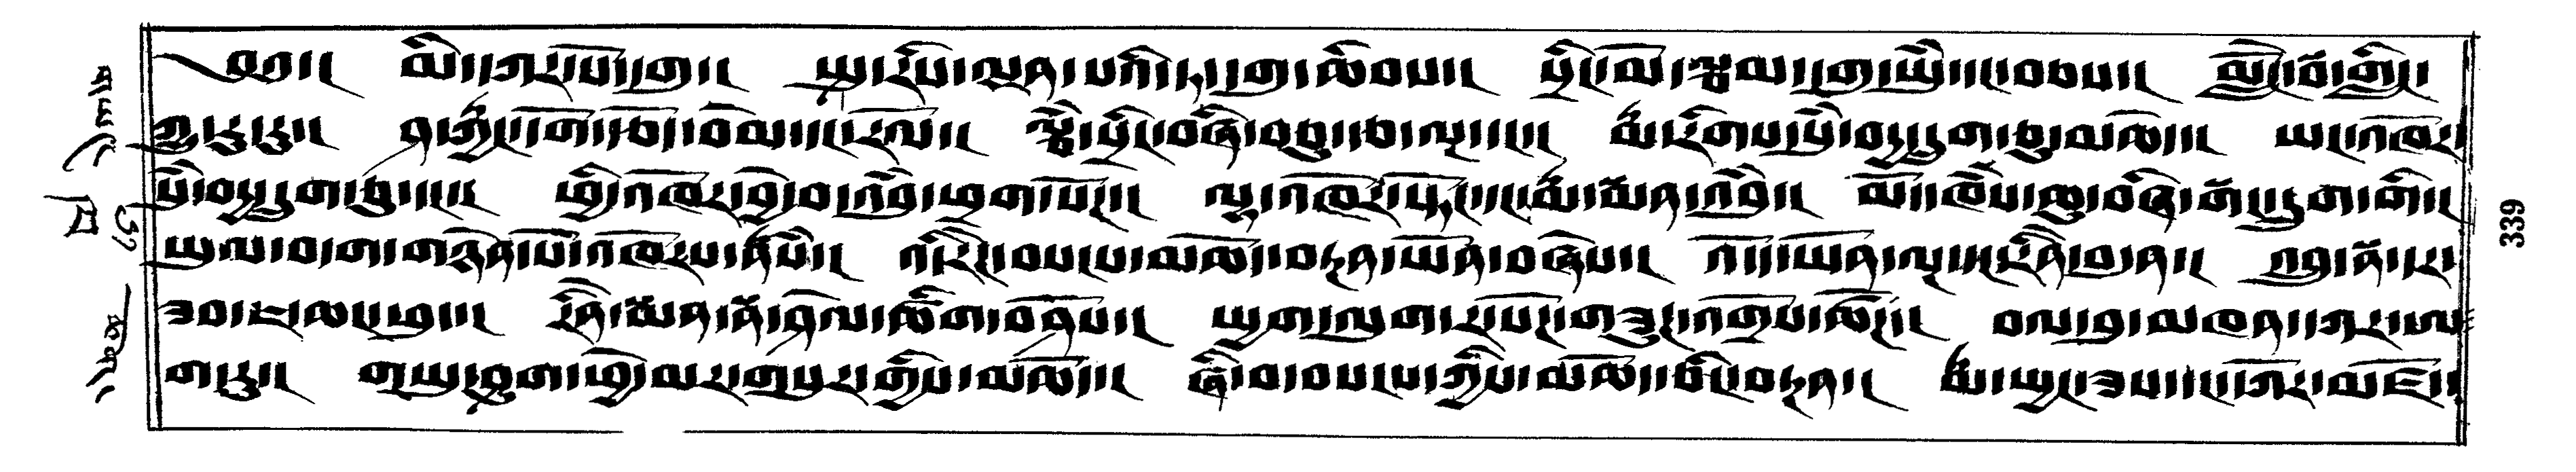མི་དཀར་པོ་དགུ། །སྤུ་རིས་ལྡན་པའི་རྟ་དགུ་ཆིབས། །སྲིང་མོ་ལྕམ་དགུ་ཡུམ་དང་བཅས། །མེ་ལོང་སྦ་གླིང་
ཀྱུ་རུ་རུ། །ཤ་རྐྱང་དགོ་གཙོད་བེམ་དང་རོལ། །ལྕམ་སྲིང་བཞི་བཅུ་རྩ་ལྔ་དང་། །རྨ་རིགས་སུམ་བརྒྱ་དྲུག་བཅུ་མཆོད། །ཡང་འཁོར་
སུམ་བརྒྱ་དྲུག་ཅུ་དང་། །ཕྱི་འཁོར་བྱེ་བ་འབུམ་ཕྲག་སོགས། །ལྷ་འཁོར་སྟོང་དང་རྨ་སྨན་འབུམ། །མོད་ཁམས་ཆུ་བཞི་སྒང་དྲུག་གི། །
ཡུལ་བདག་གཉེན་པོ་འཁོར་བཅས་རྣམས། །འདིར་གཤེགས་བསང་མཆོད་རྔན་ཡོན་བཞེས། །འདོད་ཡོན་ལྔ་དང་རིན་ཆེན་བདུན། །འབྲུ་སྣ་དར་
ཟབ་ཇ་ཆང་ཕུད། །རིན་ཆེན་སྨན་སྣ་ཤེལ་ཚིག་བཤོས། །གཡག་ལུག་ར་སོགས་གཟུགས་འགྲོས་ཚོགས། །བལ་བུ་མཁན་དཀར་ཨ་
ག་རུ། །ག་ཡུ་ཤུག་ཕྱེ་མར་གསུར་གྱིས་མཆོད། །ཞི་བ་བསང་གིས་མཆོད་ཅིང་རྔན། །རྨ་གཡང་ཟས་དང་དཀོར་མཛོད་